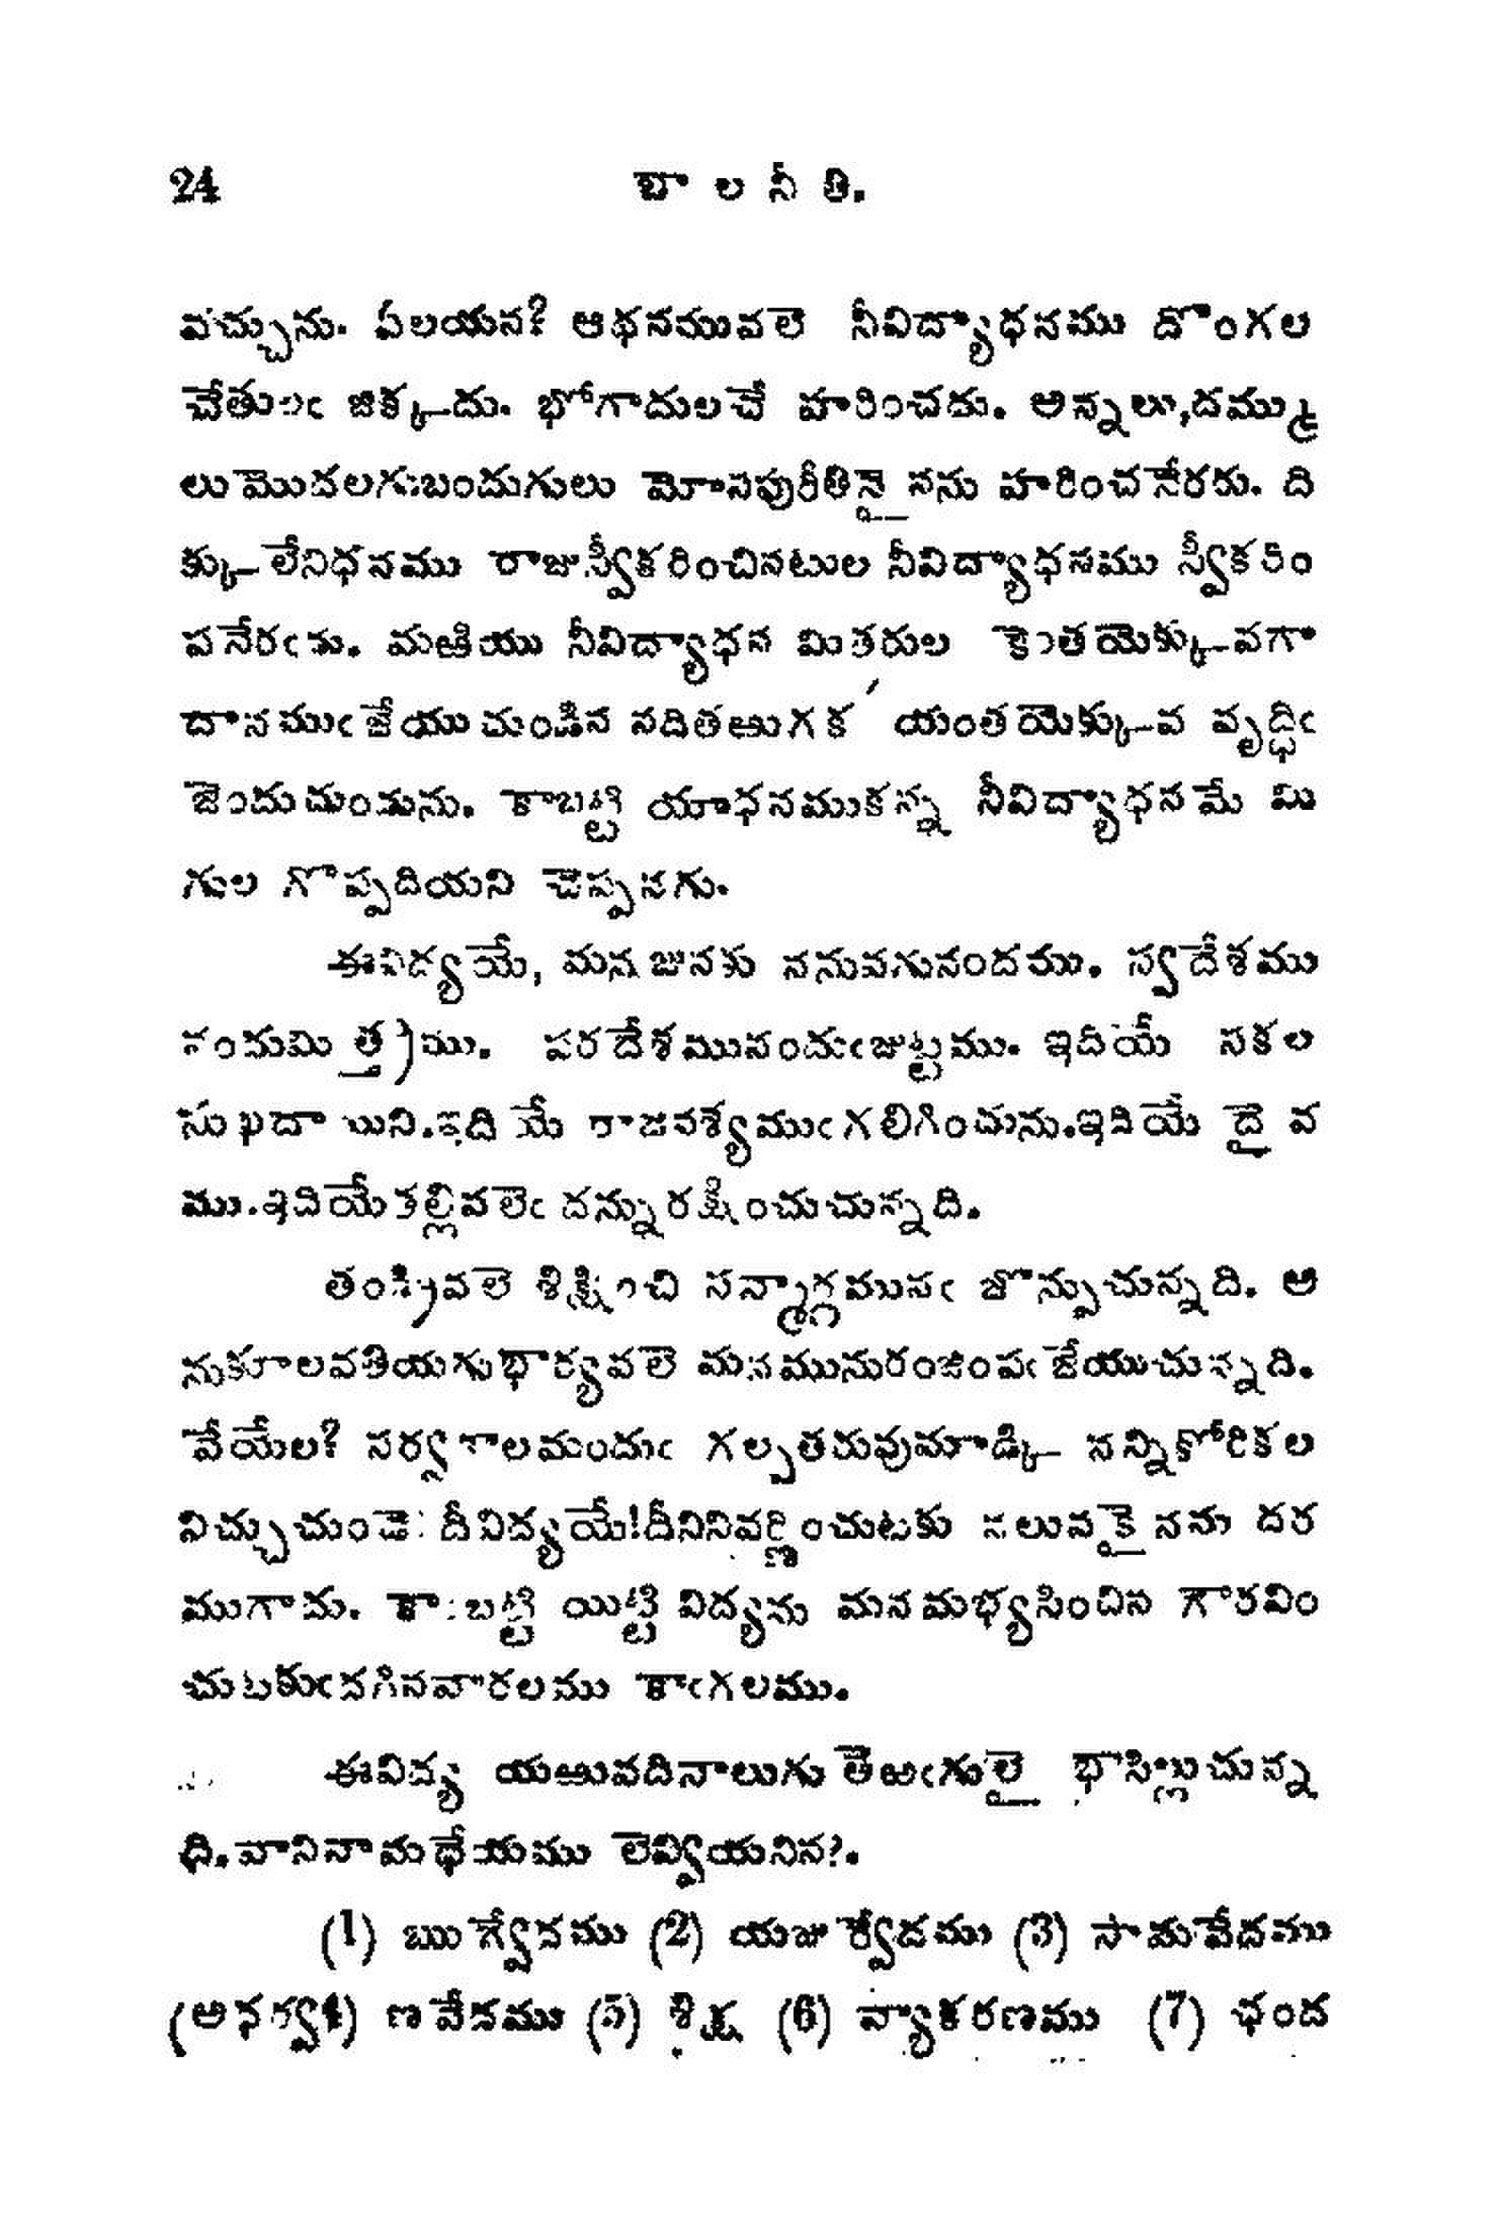వచ్చును. ఏలయన? అధనమువలె నీవిద్యాధనము దొంగల
చేతులఁ జిక్కదు. భోగాదులచే హరించదు., అన్నలు, దమ్ము
లుమొదలగుబందుగులు మోసపురీతినైనను హరించనేరరు. ది
క్కులేనిధనము రాజుస్వీకరించినటుల నీవిద్యాధనము స్వీకరిం
పనేరఁడు. మఱియు నీవిద్యాధన మితరుల కెంతయెక్కువగా 
దానముఁజేయుచుండిన నదితఱుగక యంతయెక్కువ వృద్ధిఁ
జెందుచుండును. కాబట్టి యాధనముకన్న నీవిద్యాధనమే మి
గుల గొప్పదియని చెప్పనగు.

ఈవిద్యయే, మనుజునకు ననువగునందము. స్వదేశము
నందుమిత్త్రము. పరదేశమునందుఁజుట్టము. ఇదియే సకల
సుఖదాయిని. ఇదియే రాజవశ్యముఁగలిగించును. ఇదియే దైవ
ము. ఇదియేతల్లివలెఁ దన్నురక్షించుచున్నది.

తండ్రివలె శిక్షించి సన్మార్గమునఁ జొన్పుచున్నది. అ
నుకూలవతియగుభార్యవలె మనమునురంజింపఁ జేయుచున్నది. 
వేయేల? సర్వకాలమందుఁ గల్పతరువుమాడ్కి నన్నికోరికల 
నిచ్చుచుండె దీవిద్యయే! దీనినివర్ణించుటకు నలునకైనను దర
ముగాదు. కాఁబట్టి యిట్టి విద్యను మనమభ్యసించిన గౌరవిం
చుటకుఁదగినవారలము కాఁగలము.

ఈవిద్య యఱువదినాలుగు తెఱఁగులై భాసిల్లుచున్న
ది. వానినామధేయము లెవ్వియునిన?.

(1)ఋగ్వేదము (2) యజుర్వేదము (3)సామవేదము (4)అధర్వణవేదము (5)శిక్ష (6)వ్యాకరణము (7)ఛంద